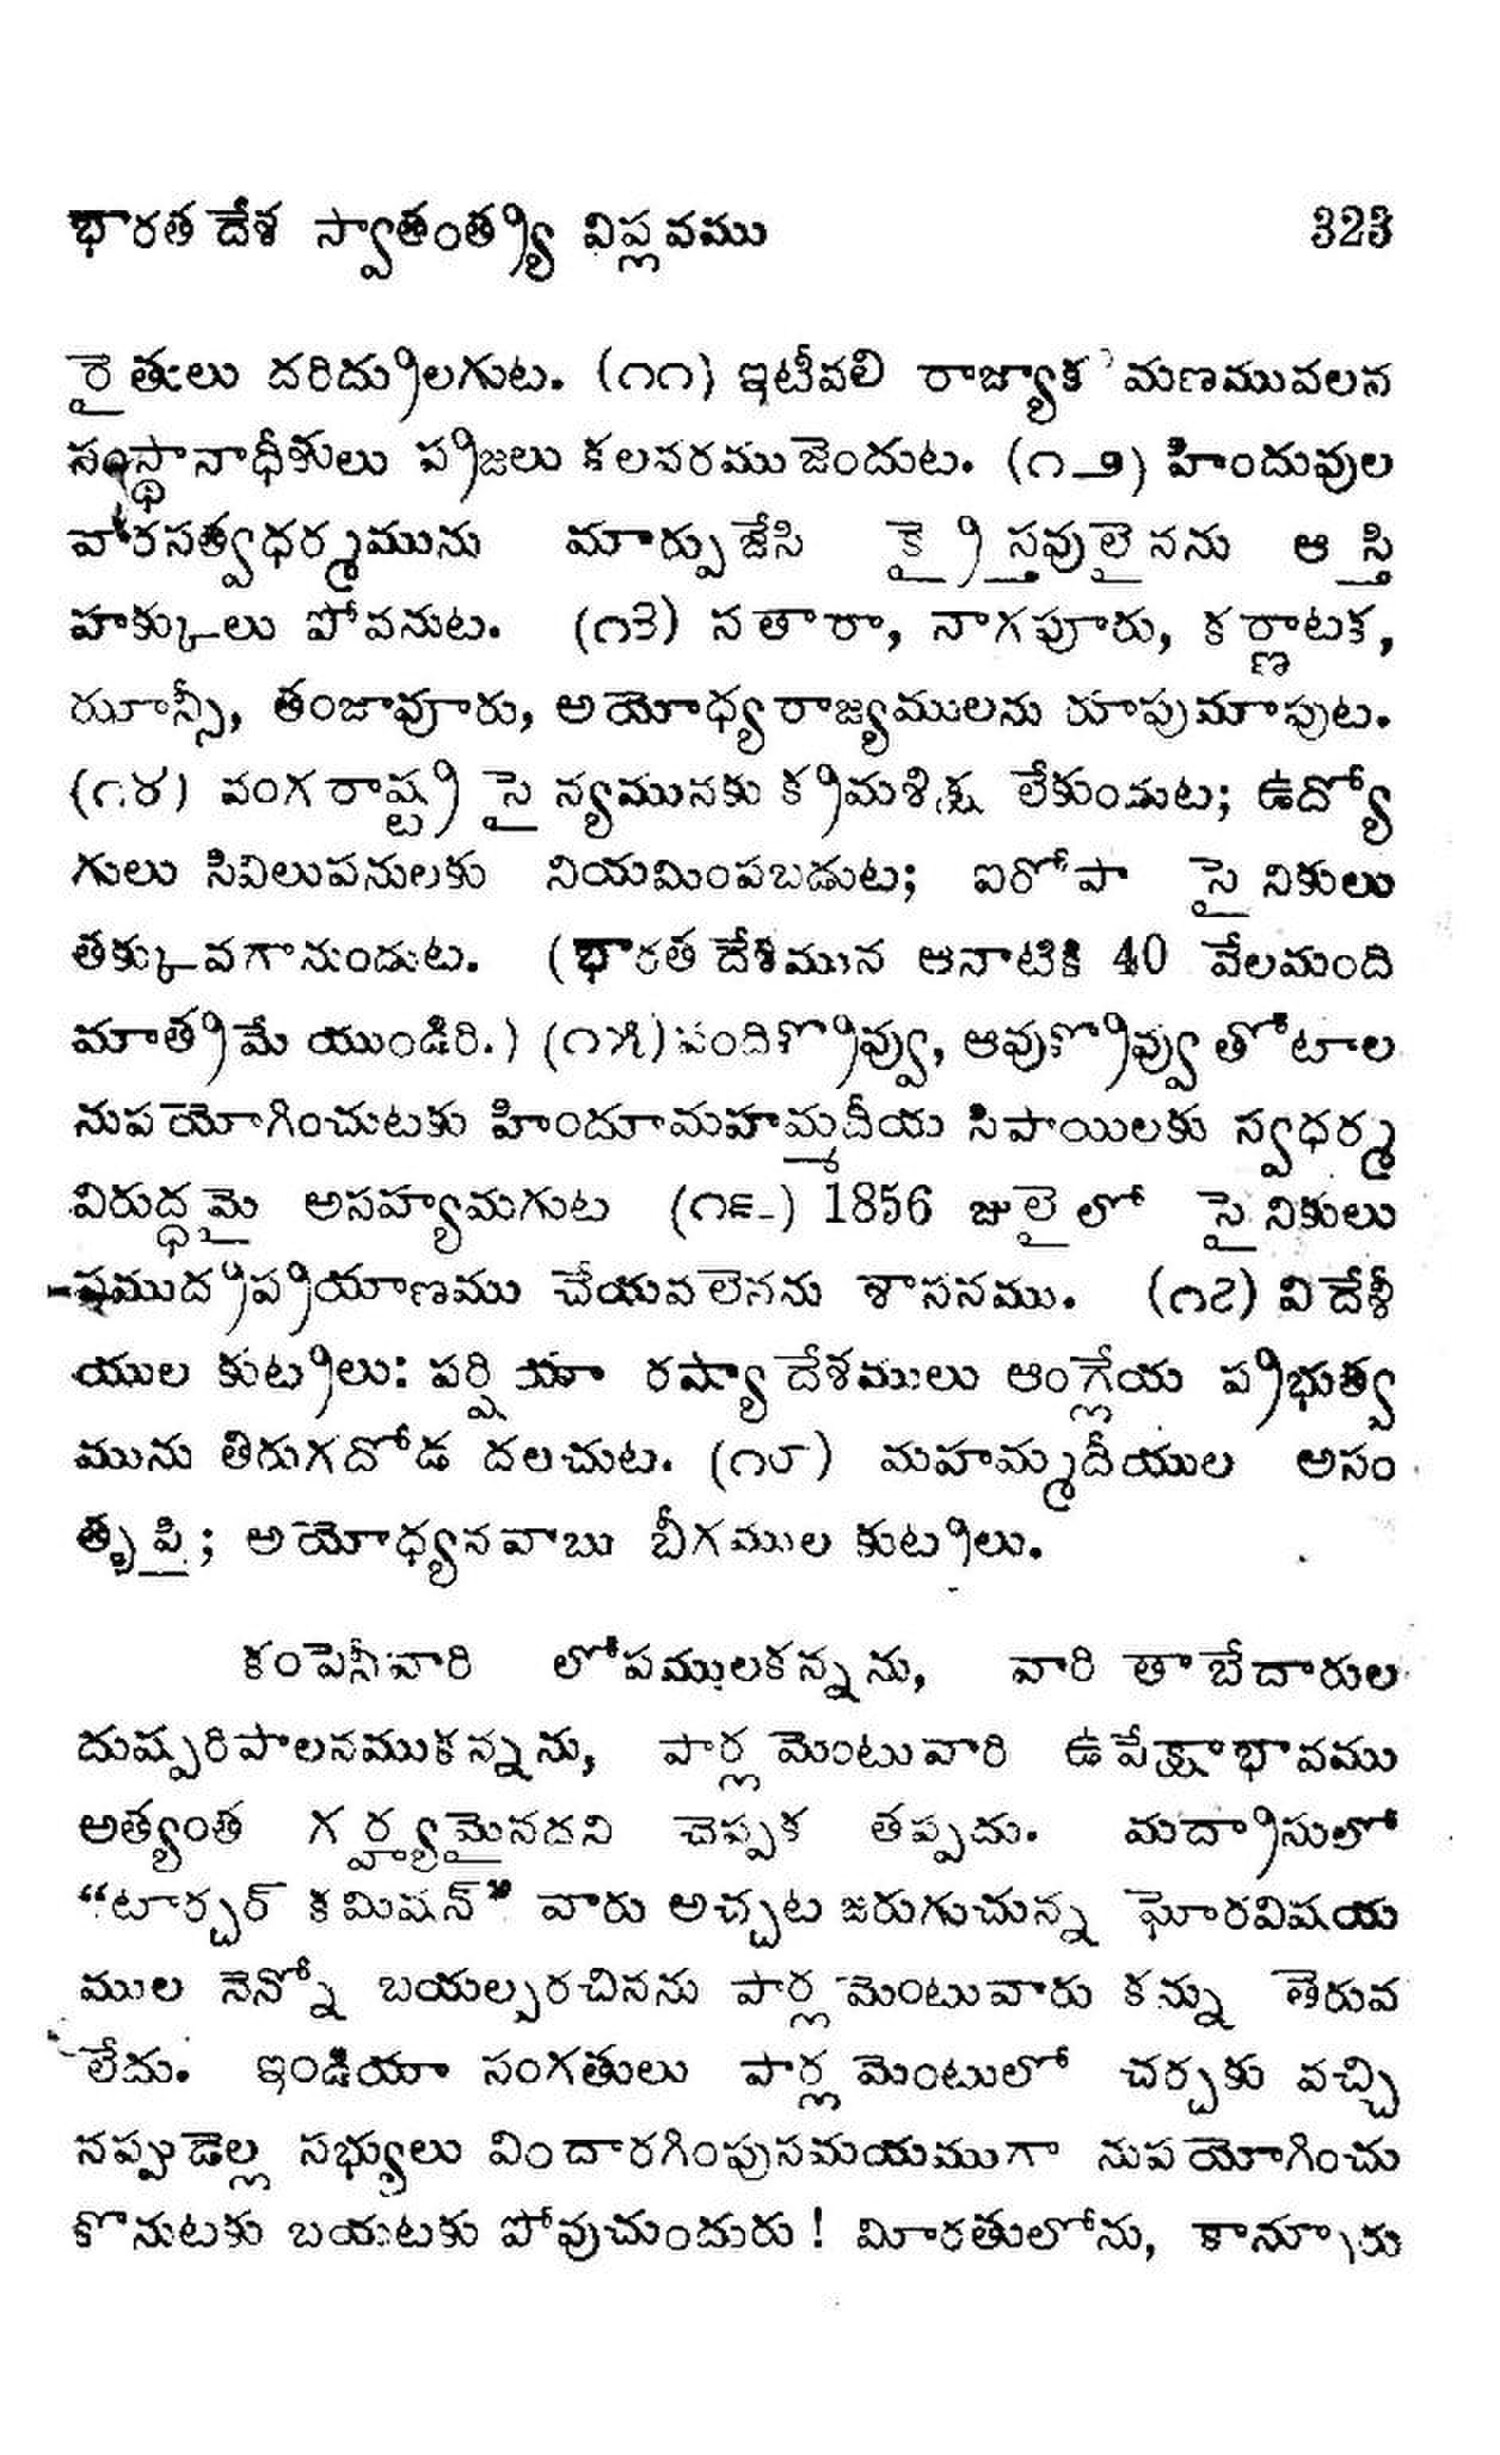రైతులు దరిద్రులగుట. (11) ఇటీవలి రాజ్యాక్రమణమువలన సంస్థానాధీశులు ప్రజలు కలవరము జెందుట. (12) హిందువుల వారసత్వధర్మమును మార్పుజేసి క్రైస్తవులైనను ఆస్తి హక్కులు పోవనుట. (13) సతారా, నాగపూరు, కర్ణాటక, ఝూన్సీ, తంజావూరు, అయోధ్య రాజ్యములను రూపుమాపుట. (14) వంగరాష్ట్ర సైన్యమునకు క్రమశిక్ష లేకుండుట; ఉద్యోగులు సివిలుపనులకు నియమింపబడుట; ఐరోపా సైనికులు తక్కువగానుండుట. (భారతదేశమున ఆనాటికి 40 వేలమంది మాత్రమే యుండిరి.) (15) పందిక్రొవ్వు, ఆవుక్రొవ్వు తోటాల నుపయోగించుటకు హిందూమహమ్మదీయ సిపాయిలకు స్వధర్మ విరుద్ధమై అసహ్యమగుట (16) 1856 జులైలో సైనికులు సముద్రప్రయాణము చేయవలెనను శాసనము. (17) విదేశీయుల కుట్రలు: పర్షియా రష్యాదేశములు ఆంగ్లేయ ప్రభుత్వమును తిరుగదోడ దలచుట. (18) మహమ్మదీయుల అసంతృప్తి ; అయోధ్యనవాబు బీగముల కుట్రలు.

కంపెనీవారి లోపములకన్నను, వారి తాబేదారుల దుష్పరిపాలనముకన్నను, పార్లమెంటువారి ఉపేక్షాభావము అత్యంత గర్హ్యమైనదని చెప్పక తప్పదు. మద్రాసులో “టార్చర్ కమిషన్" వారు అచ్చట జరుగుచున్న ఘోరవిషయముల నెన్నో బయల్పరచినను పార్లమెంటువారు కన్ను తెరువలేదు. ఇండియా సంగతులు పార్లమెంటులో చర్చకు వచ్చి నప్పుడెల్ల సభ్యులు విందారగింపు సమయముగా నుపయోగించు కొనుటకు బయటకు పోవుచుందురు ! మీరతులోను, కాన్పూరు